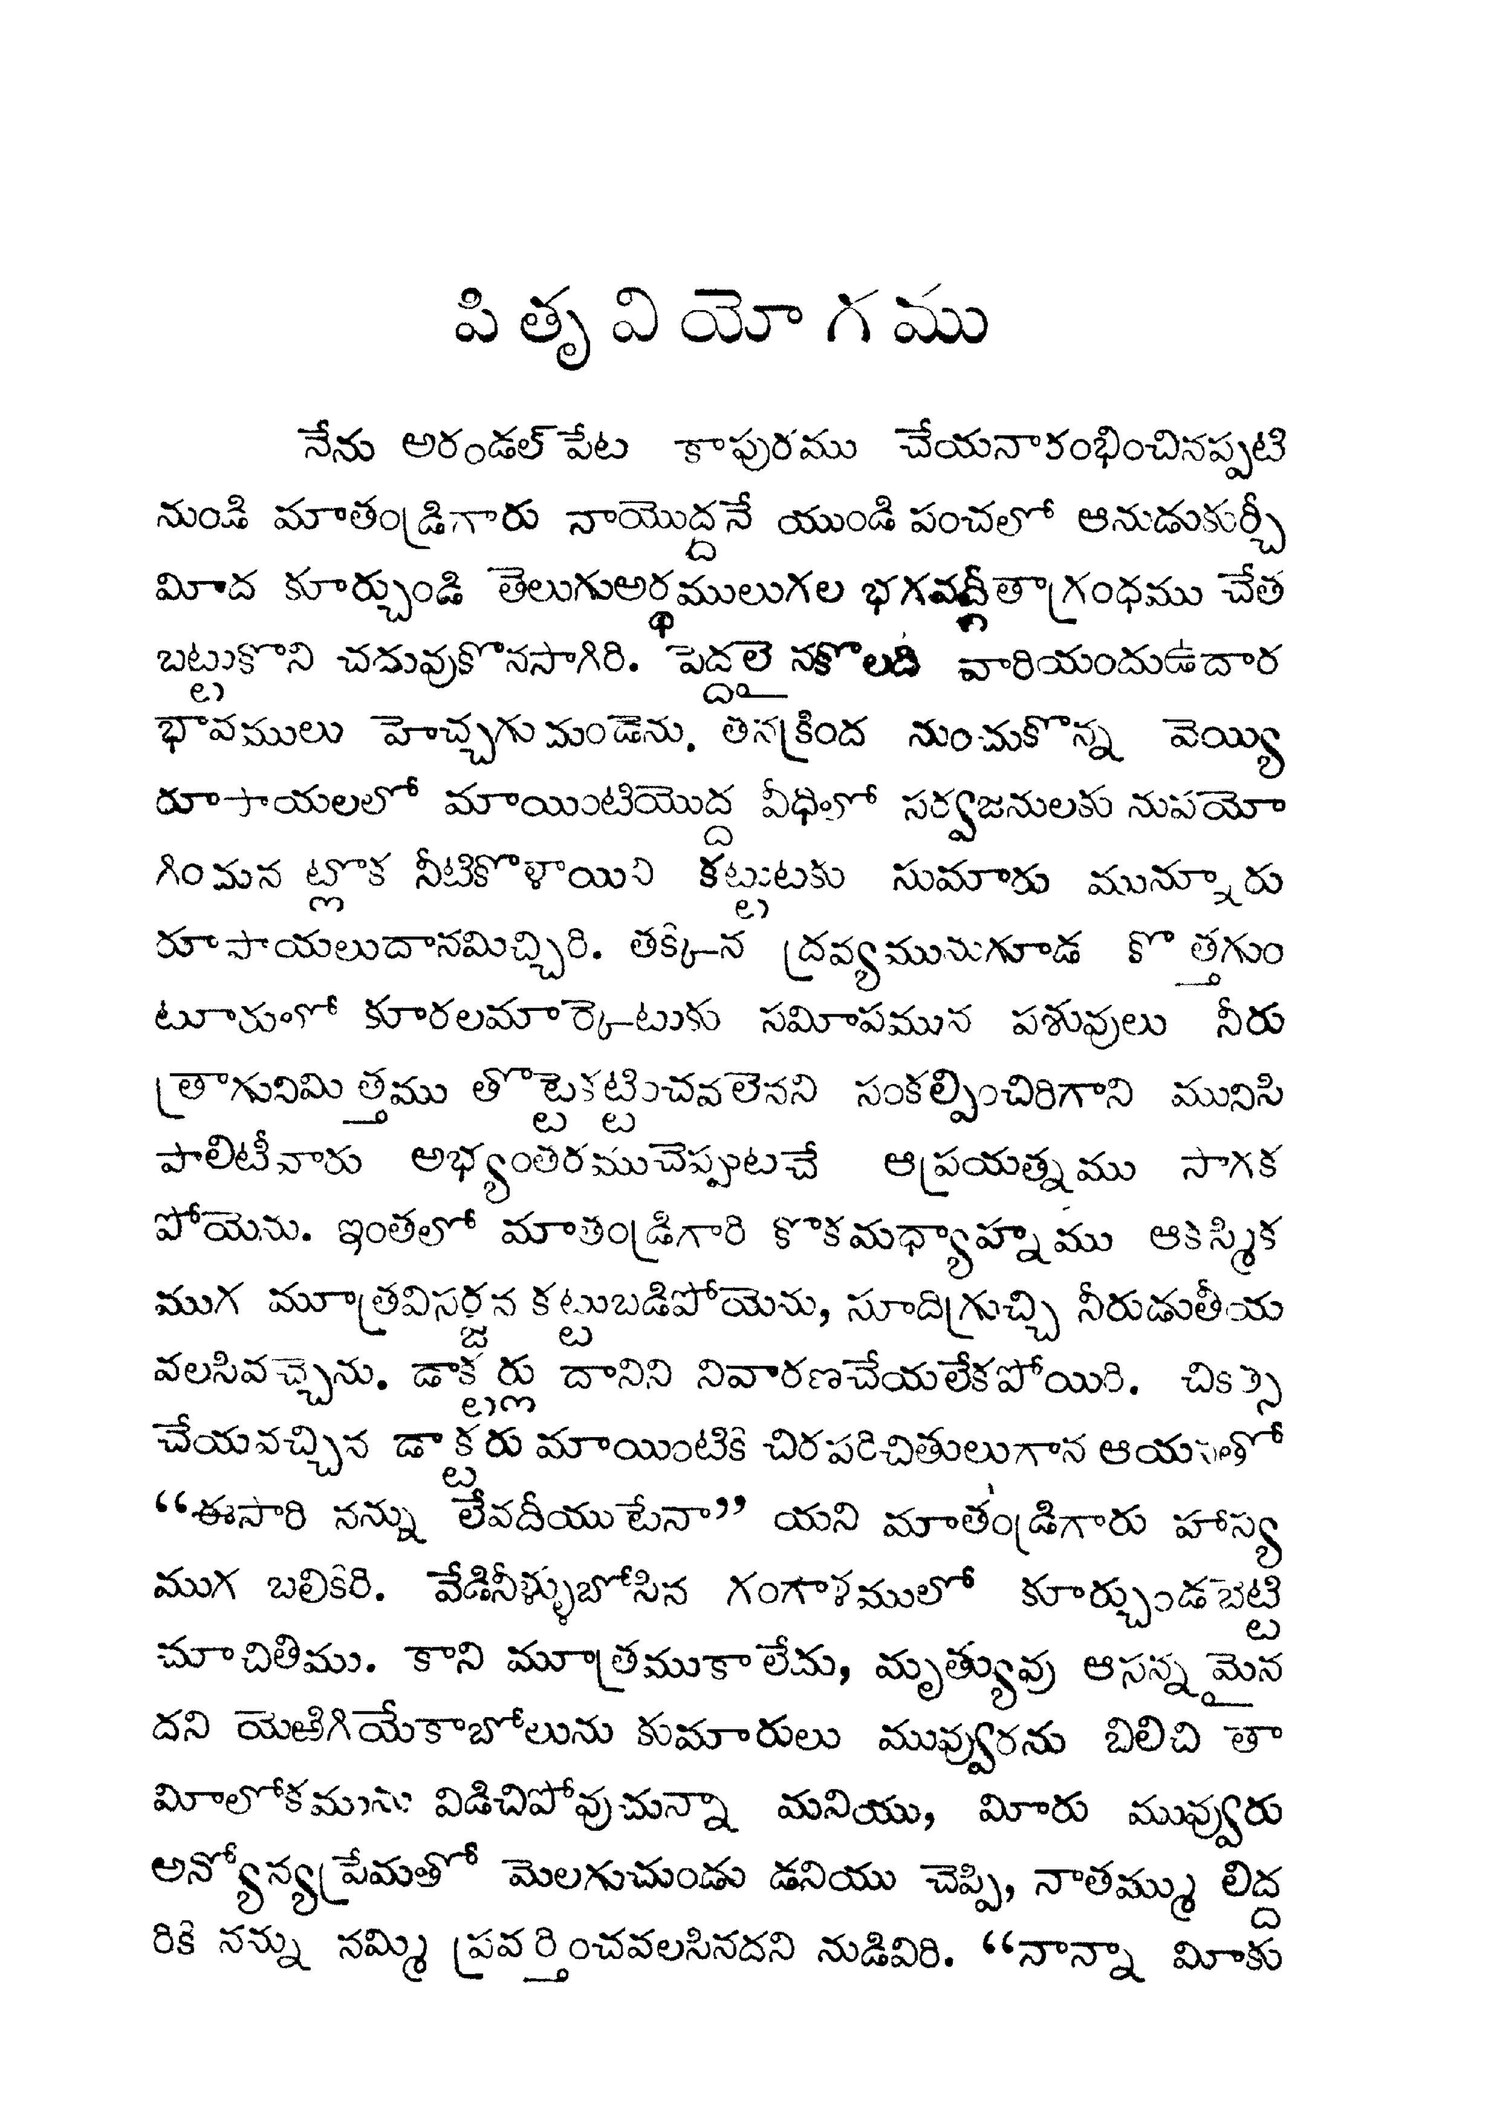నేను అరండల్‌పేట కాపురము చేయనారంభించినప్పటి నుండి మాతండ్రిగారు నాయొద్దనే యుండి పంచలో ఆనుడుకుర్చీ మీద కూర్చుండి తెలుగుఅర్థములుగల భగవద్గీతాగ్రంధము చేతబట్టుకొని చదువుకొనసాగిరి. పెద్దలైనకొలది వారియందు ఉదారభావములు హెచ్చగుచుండెను. తనక్రింద నుంచుకొన్న వెయ్యి రూపాయలలో మాయింటియొద్ద వీధిలో సర్వజనులకు నుపయోగించున ట్లొక నీటికొళాయిని కట్టుటకు సుమారు మున్నూరు రూపాయలుదానమిచ్చిరి. తక్కిన ద్రవ్యమునుగూడ కొత్తగుంటూరులో కూరలమార్కెటుకు సమీపమున పశువులు నీరుత్రాగునిమిత్తము తొట్టెకట్టించవలెనని సంకల్పించిరిగాని మునిసిపాలిటీవారు అభ్యంతరముచెప్పుటచే ఆప్రయత్నము సాగకపోయెను. ఇంతలో మాతండ్రిగారి కొకమధ్యాహ్నము ఆకస్మికముగ మూత్రవిసర్ఝన కట్టుబడిపోయెను, సూదిగ్రుచ్చి నీరుడుతీయవలసివచ్చెను. డాక్టర్లు దానిని నివారణచేయలేకపోయిరి. చికిత్సచేయవచ్చిన డాక్టరు మాయింటికి చిరపరిచితులుగాన ఆయనతో "ఈసారి నన్ను లేవదీయుటేనా" యని మాతండ్రిగారు హాస్యముగ బలికిరి. వేడినీళ్ళుబోసిన గంగాళములో కూర్చుండబెట్టి చూచితిమి. కాని మూత్రముకాలేదు, మృత్యువు ఆసన్నమైనదని యెఱిగియేకాబోలును కుమారులు మువ్వురును బిలిచి తామీలోకమును విడిచిపోవుచున్నా మనియు, మీరు మువ్వురు అన్యోన్యప్రేమతో మెలగుచుండు డనియు చెప్పి, నాతమ్ము లిద్దరికి నన్ను నమ్మి ప్రవర్తించవలసినదని నుడివిరి. "నాన్నా మీకు